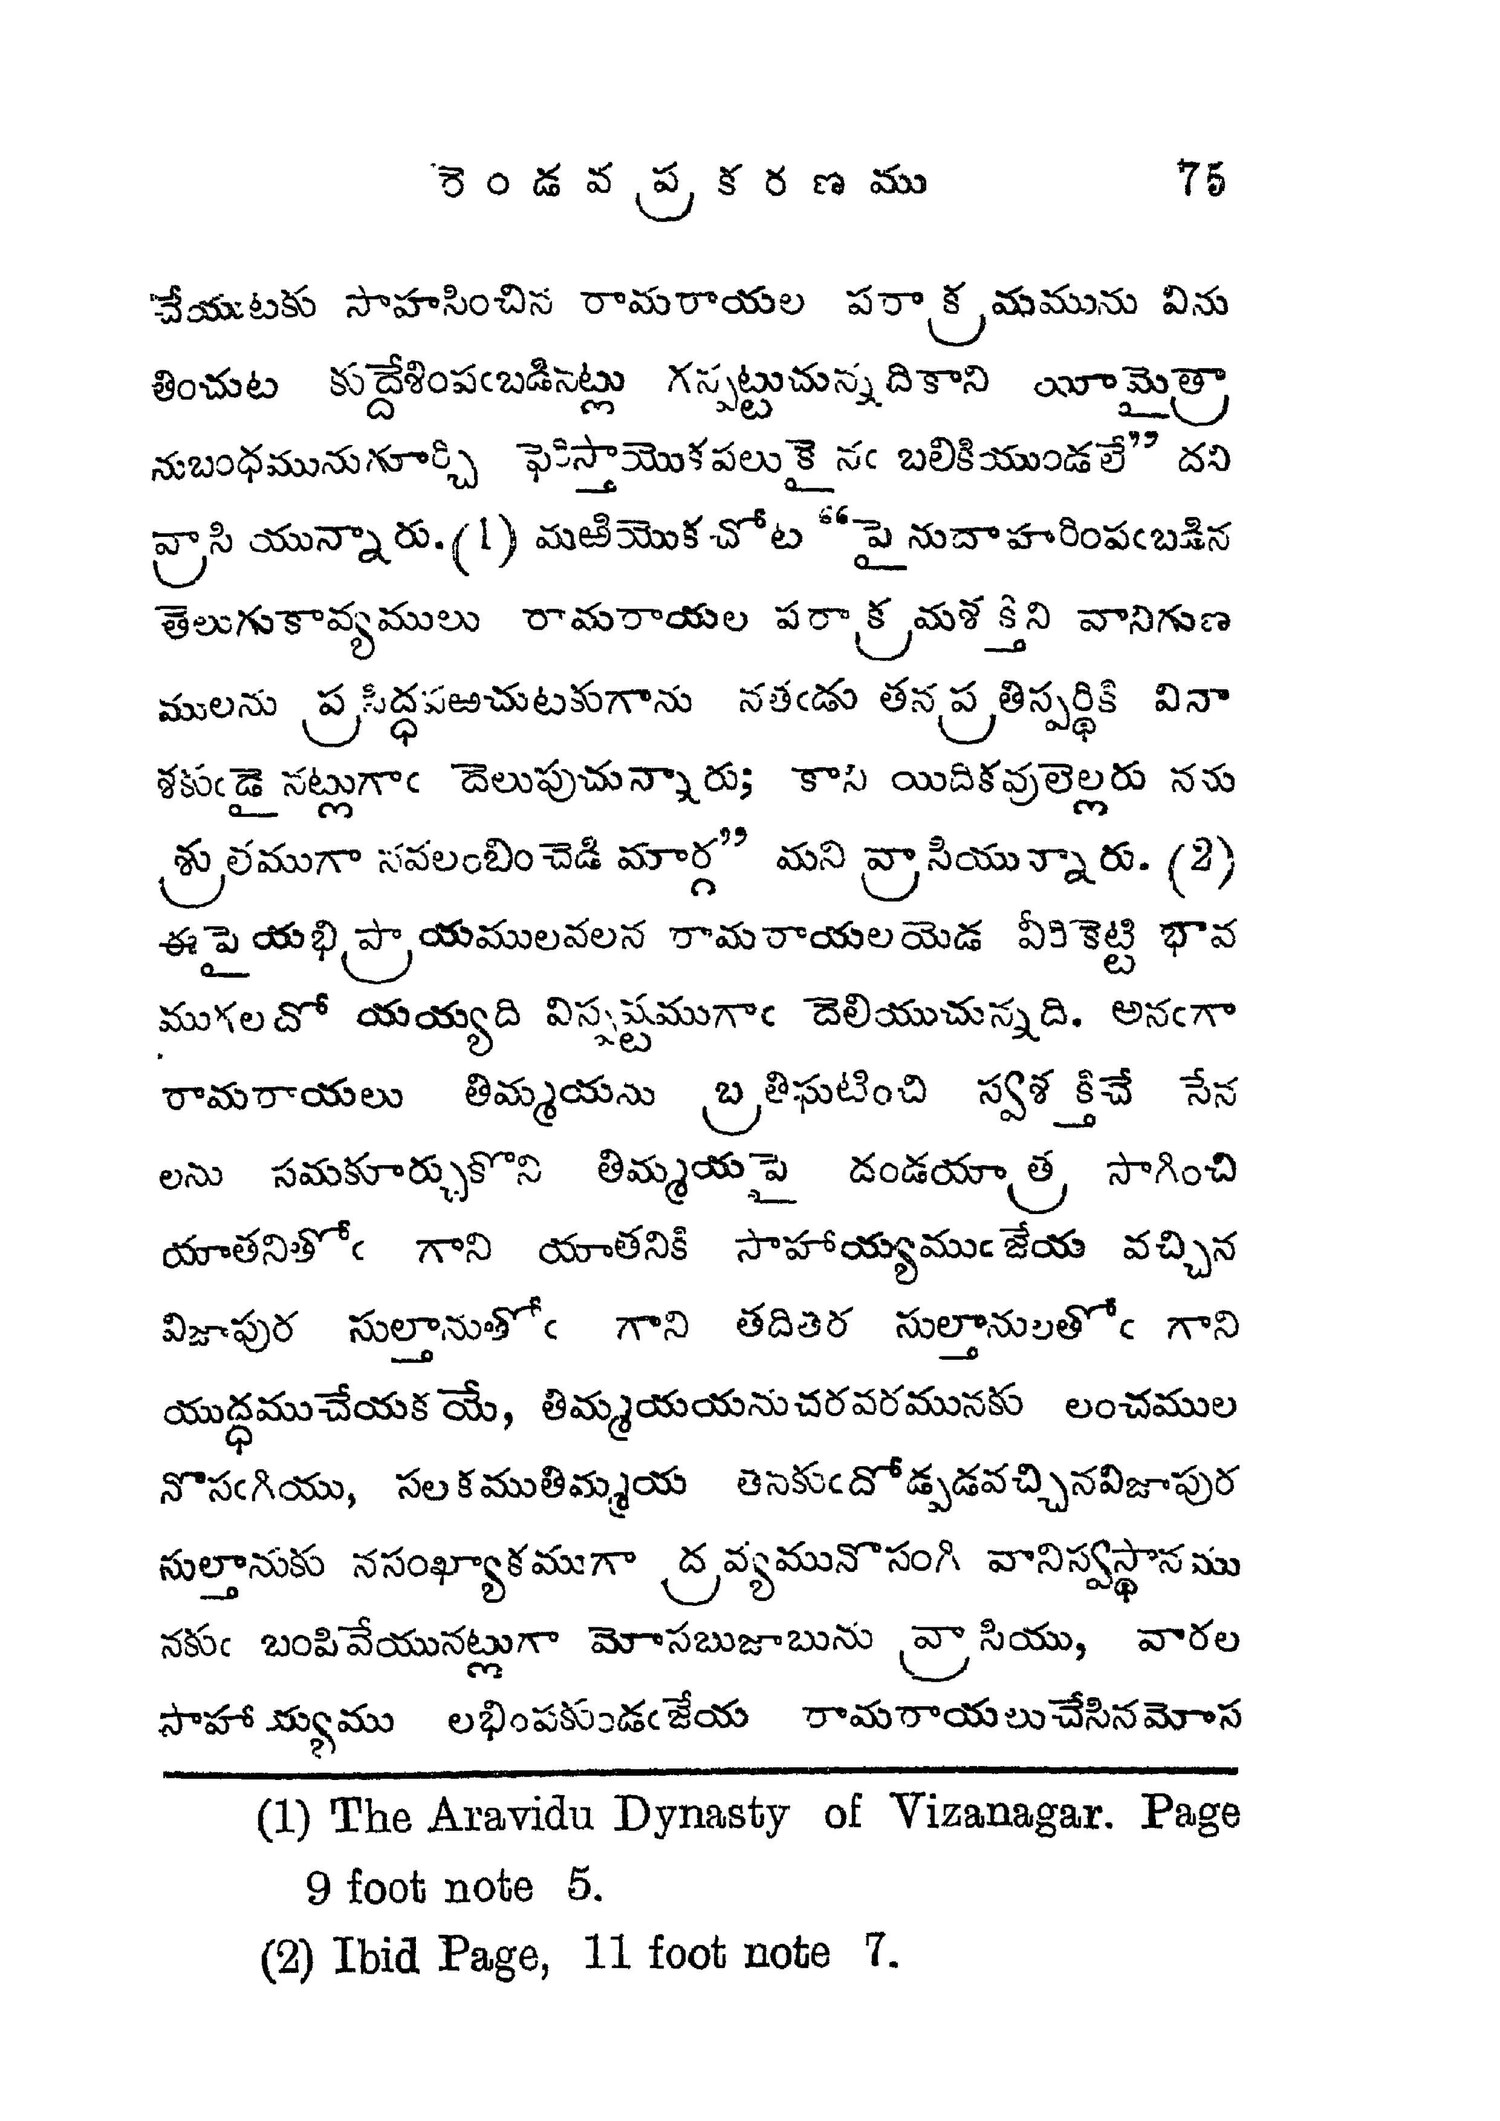చేయుటకు సాహసించిన రామరాయల పరాక్రమమును వినుతించుట కుద్దేశింపబడినట్లు గన్పట్టుచున్నది కాని యీమైత్రానుబంధమునుగూర్చి ఫెరిస్తాయొకపలుకైన బలికియుండలే" దని వ్రాసి యున్నారు. మఱియొకచోట "పైనుదాహరింపబడిన తెలుగుకావ్యములు రామరాయల పరాక్రమశక్తిని వానిగుణములను ప్రసిద్ధపఱచుటకుగాను నతడు తనప్రతిస్పర్థికి వినాశకుడైనట్లుగా దెలుపుచున్నారు; కాని యిదికవులెల్లరు ననుశ్రుతముగా నవలంబించెడి మార్గ" మని వ్రాసియున్నారు. ఈపైయభిప్రాయములవలన రామరాయలయెడ వీరికెట్టి భావముగలదో యయ్యది విస్పష్టముగా దెలియుచున్నది. అనగా రామరాయలు తిమ్మయను బ్రతిఘటించి స్వశక్తిచే సేనలను సమకూర్చుకొని తిమ్మయపై దండయాత్ర సాగించి యాతనితో గాని యాతనికి సాహాయ్యముజేయ వచ్చిన విజాపుర సుల్తానుతో గాని తదితర సుల్తానులతో గాని యుద్ధముచేయకయే, తిమ్మయయనుచరవరమునకు లంచముల నొసగియు, సలకముతిమ్మయ తనకుదోడ్పడవచ్చిన విజాపురసుల్తానుకు నసంఖ్యాకముగా ద్రవ్యమునొసంగి వానిస్వస్థానమునకు బంపివేయునట్లుగా మోసబుజాబును వ్రాసియు, వారల సాహాయ్యము లభింపకుండజేయ రామరాయలుచేసినమోస